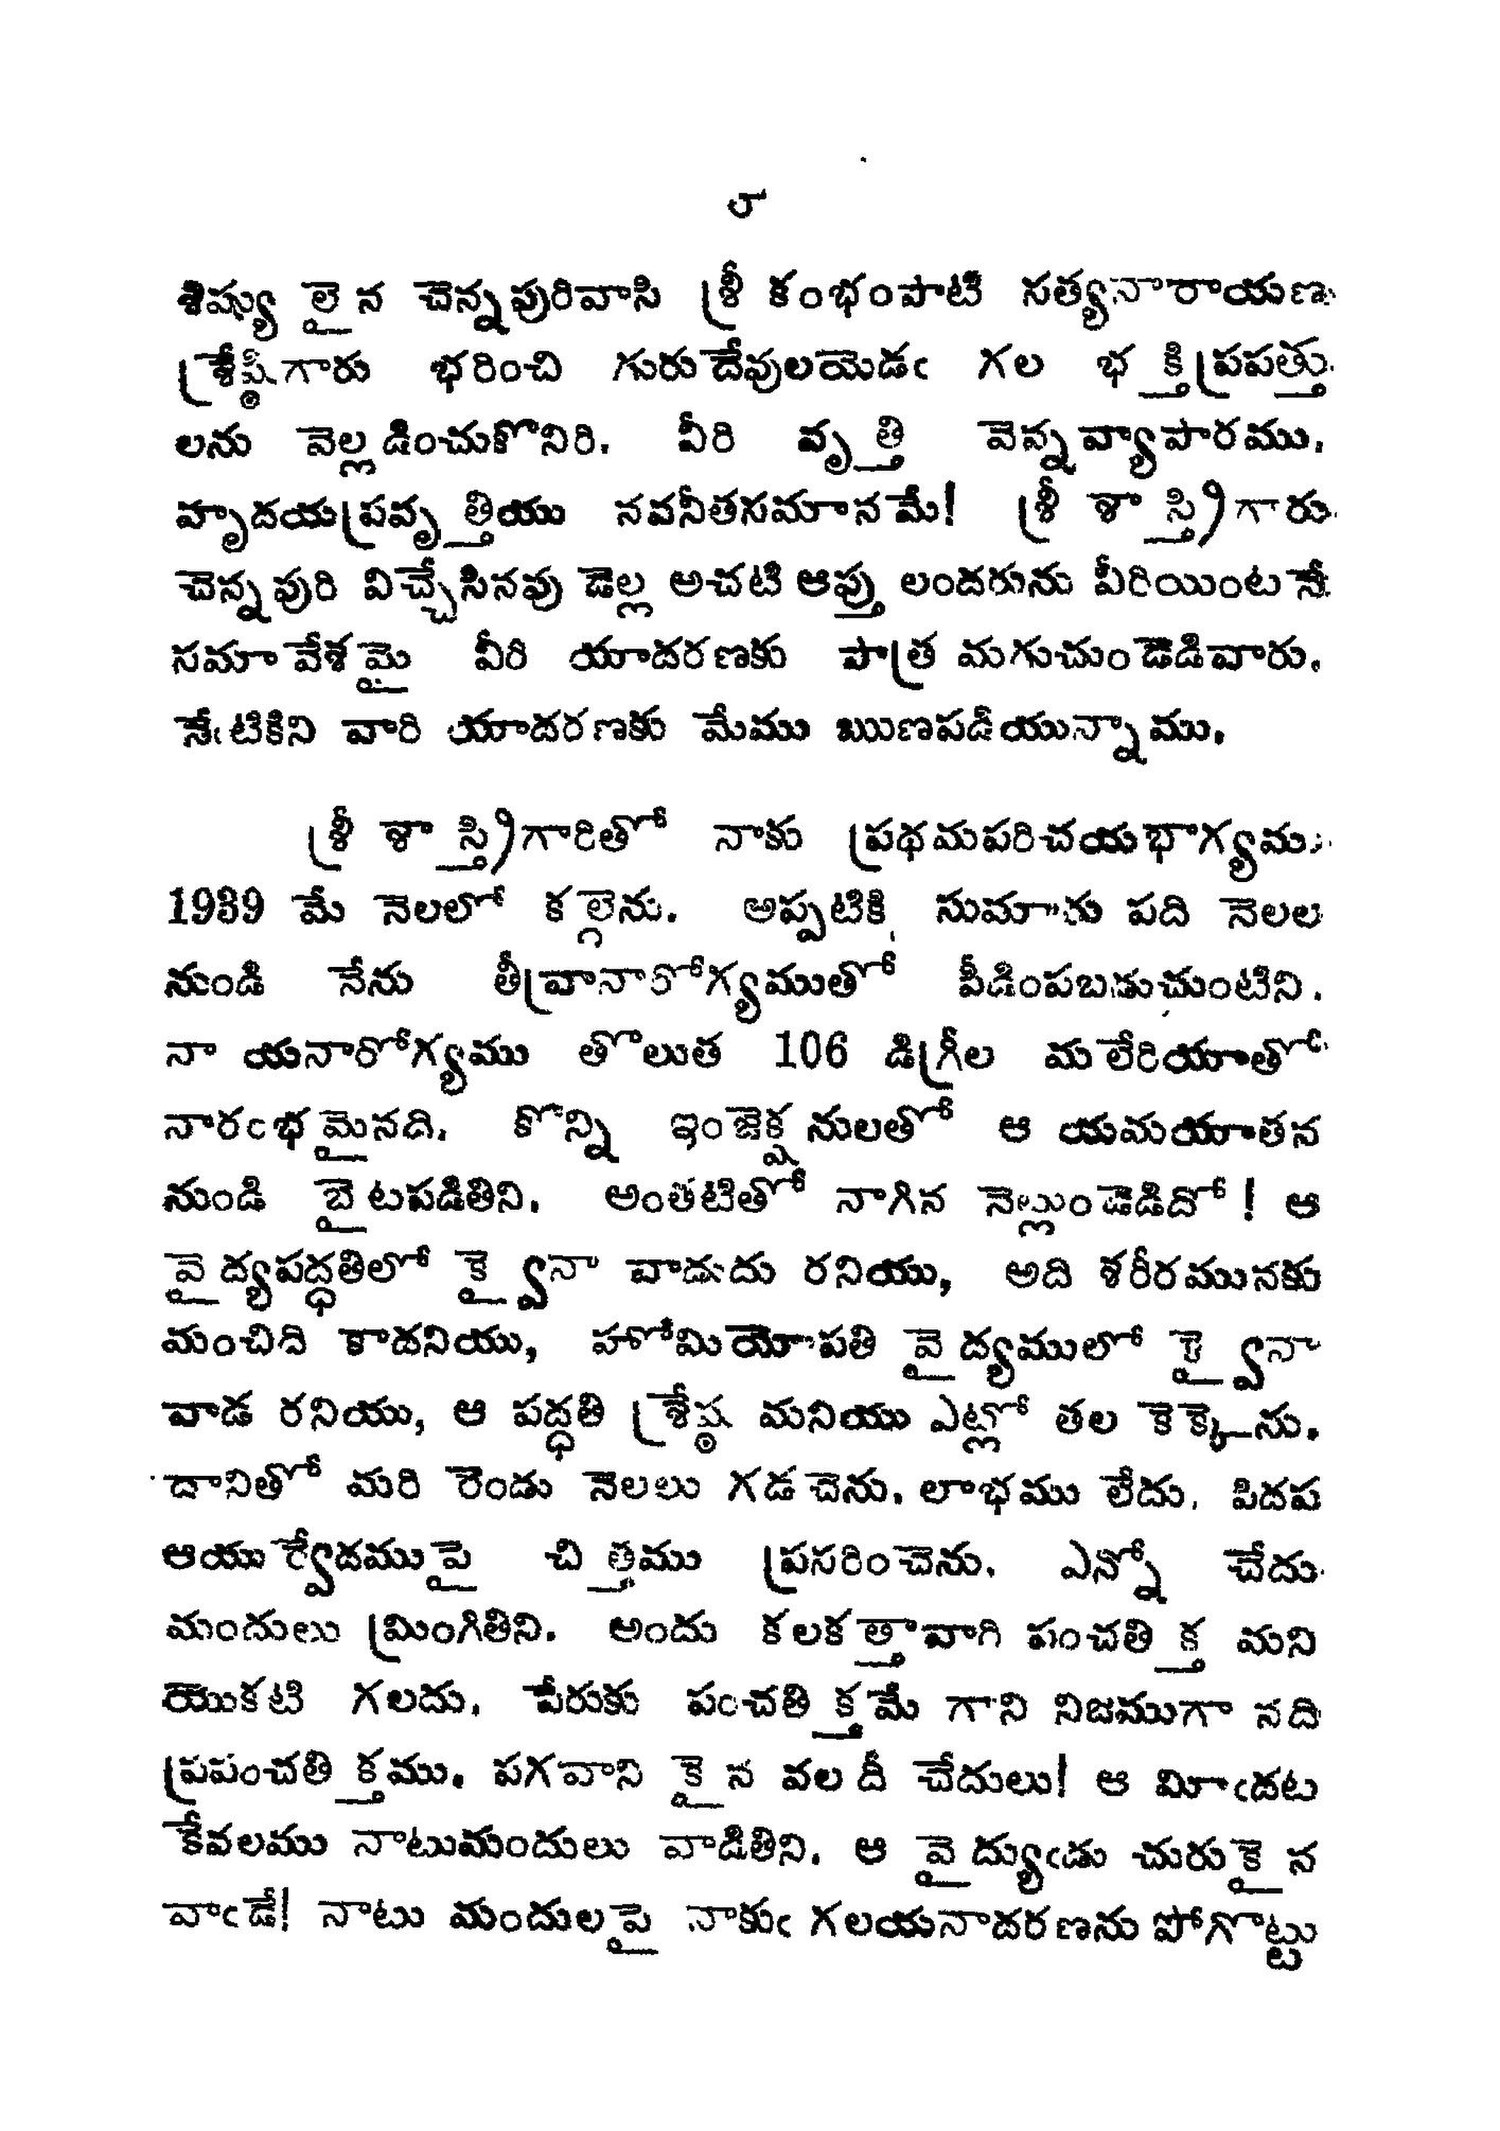శిష్యులైన చెన్నపురివాసి శ్రీ కంభంపాటి సత్యనారయణ శ్రేష్టి భరించి గురుదేవుల యెడఁ గల భక్తి ప్రపత్తులను వెల్లడించుకొనిరి. వీరి వృత్తి వెన్న వ్యాపారము. హృదయ ప్రవృత్తియు నవనీతసమానమే! శ్రీ శాస్త్రిగారు చెన్నపురి విచ్చేసినపు డెల్ల అచటి ఆప్తులందరును వీరియింటనే సమావేశమై వీరి యాదరణకు పాత్ర మగుచుండెడివారు. నేటికిని వారి యాదరణకు మేము ఋణపడియున్నాము.
 
శ్రీ శాస్త్రిగారితో నాకు ప్రధమపరిచయ భాగ్యము 1939మే నెలలోకల్గెను. అప్పటికి సుమారు పది నెలల నుండి నేను తీవ్రానారోగ్యముతో పీడింపబడుచుంటిని. నా యనారోగ్యము తొలుత 106 డిగ్రీల మలేరియాతో నారంభ మైనది. అంతటిలో నాగిన నెట్లుండెడిదో! ఆవైద్యపద్ధతిలో క్వైనా వాడుదు రనియు, అది శరీరమునకు మంచిది కాదనియు,హొమియోపతి వైద్యములో క్వైనా వాడరనియు, ఆ పద్ధతి శ్రేష్ఠ మనియు ఎట్లో తలకెక్కెను. దానితోమరిరెండు నెలలుగడచెను. లాభము లేదు. పిదప ఆయుర్వేదము పై చిత్తము ప్రసరించెను ఎన్నో చేదు మందులు మ్రింగితిని. అందు కలకత్తావారి పంచతిక్త మని యొకటి గలదు.పేరుకు పంచాతిక్తమే కాని నిజముగా నది ప్రపంచతి క్తము. పగవానికైన వలదీ చేదులు! ఆ మిఁదట కేవలము నాటుమందులు వాడితిని. ఆ వైద్యుఁడు చురుకైన వాఁడే! నాటుమందులపై నాకుఁ గలయనాదరణను పోగొట్టు